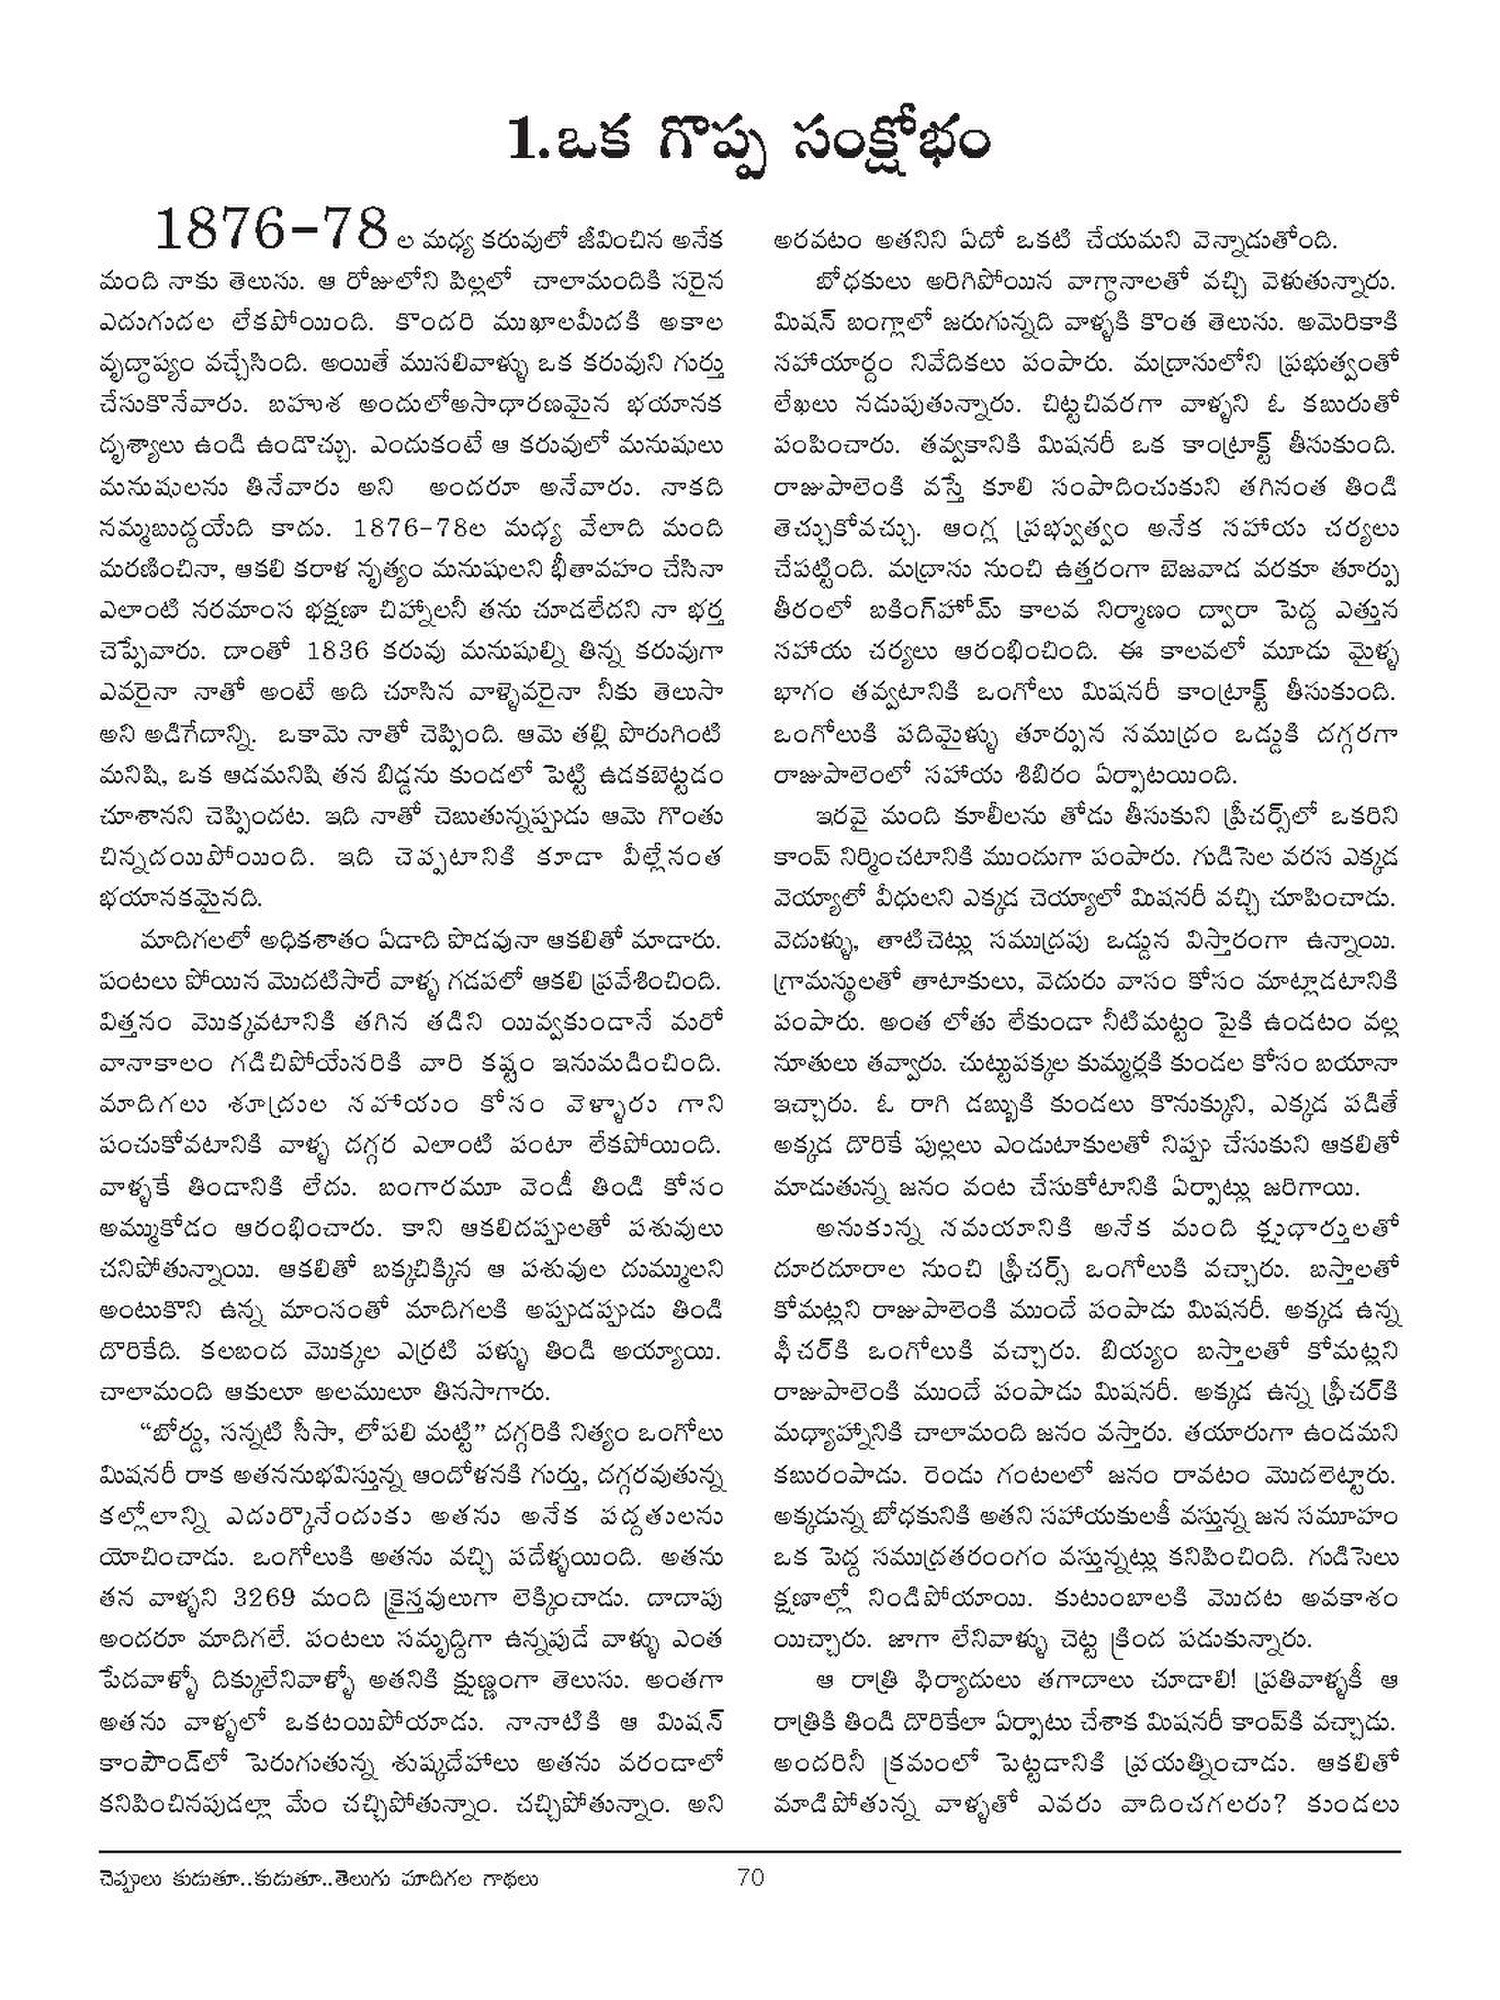1. ఒక గొప్ప సంక్షోభం

ల మధ్య కరువులో జీవించిన అనేక మంది నాకు తెలుసు. ఆ రోజులోని పిల్లలో చాలామందికి సరైన ఎదుగుదల లేకపోయింది. కొందరి ముఖాలమీదకి అకాల వృద్ధాప్యం వచ్చేసింది. అయితే ముసలివాళ్ళు ఒక కరువుని గుర్తుచేసుకొనేవారు. బహుశ అందులోఅసాధారణమైన భయానక దృశ్యాలు ఉండి ఉండొచ్చు. ఎందుకంటే ఆ కరువులో మనుషులు మనుషులను తినేవారు అని అందరూ అనేవారు. నాకది నమ్మబుద్ధయేది కాదు. 1876-78ల మధ్య వేలాది మంది మరణించినా, ఆకలి కరాళ నృత్యం మనుషులని భీతావహం చేసినా ఎలాంటి నరమాంస భక్షణా చిహ్నాలనీ తను చూడలేదని నా భర్త చెప్పేవారు. దాంతో 1836 కరువు మనుషుల్ని తిన్న కరువుగా ఎవరైనా నాతో అంటే అది చూసిన వాళ్ళెవరైనా నీకు తెలుసా అని అడిగేదాన్ని. ఒకామె నాతో చెప్పింది. ఆమె తల్లి పొరుగింటి
మనిషి, ఒక ఆడమనిషి తన బిడ్డను కుండలో పెట్టి ఉడకబెట్టడం చూశానని చెప్పిందట. ఇది నాతో చెబుతున్నప్పుడు ఆమె గొంతు చిన్నదయిపోయింది. ఇది చెప్పటానికి కూడా వీల్లేనంత భయానకమైనది.

మాదిగలలో అధికశాతం ఏడాది పొడవునా ఆకలితో మాడారు. పంటలు పోయిన మొదటిసారే వాళ్ళ గడపలో ఆకలి ప్రవేశించింది. విత్తనం మొక్కవటానికి తగిన తడిని యివ్వకుండానే మరో వానాకాలం గడిచిపోయేసరికి వారి కష్టం ఇనుమడించింది. మాదిగలు శూద్రుల సహాయం కోసం వెళ్ళారు గాని
పంచుకోవటానికి వాళ్ళ దగ్గర ఎలాంటి పంటా లేకపోయింది. వాళ్ళకే తిండానికి లేదు. బంగారమూ వెండీ తిండి కోసం అమ్ముకోడం ఆరంభించారు. కాని ఆకలిదప్పులతో పశువులు చనిపోతున్నాయి. ఆకలితో బక్కచిక్కిన ఆ పశువుల దుమ్ములని అంటుకొని ఉన్న మాంసంతో మాదిగలకి అప్పుడప్పుడు తిండి దొరికేది. కలబంద మొక్కల ఎర్రటి పళ్ళు తిండి అయ్యాయి. చాలామంది ఆకులూ అలములూ తినసాగారు.

"బోర్డు, సన్నటి సీసా, లోపలి మట్టి" దగ్గరికి నిత్యం ఒంగోలు మిషనరీ రాక అతననుభవిస్తున్న ఆందోళనకి గుర్తు, దగ్గరవుతున్న కల్లోలాన్ని ఎదుర్కొనేందుకు అతను అనేక పద్ధతులను యోచించాడు. ఒంగోలుకి అతను వచ్చి పదేళ్ళయింది. అతను తన వాళ్ళని 3269 మంది క్రైస్తవులుగా లెక్కించాడు. దాదాపు
అందరూ మాదిగలే. పంటలు సమృద్ధిగా ఉన్నపుడే వాళ్ళు ఎంత పేదవాళ్ళో దిక్కులేనివాళ్ళో అతనికి క్షుణ్ణంగా తెలుసు. అంతగా అతను వాళ్ళలో ఒకటయిపోయాడు. నానాటికి ఆ మిషన్ కాంపౌండ్‌లో పెరుగుతున్న శుష్కదేహాలు అతను వరండాలో కనిపించినపుడల్లా మేం చచ్చిపోతున్నాం. చచ్చిపోతున్నాం. అని అరవటం అతనిని ఏదో ఒకటి చేయమని వెన్నాడుతోంది.

బోధకులు అరిగిపోయిన వాగ్దానాలతో వచ్చి వెళుతున్నారు. మిషన్ బంగ్లాలో జరుగున్నది వాళ్ళకి కొంత తెలుసు. అమెరికాకి సహాయార్ధం నివేదికలు పంపారు. మద్రాసులోని ప్రభుత్వంతో లేఖలు నడుపుతున్నారు. చిట్టచివరగా వాళ్ళని ఓ కబురుతో పంపించారు. తవ్వకానికి మిషనరీ ఒక కాంట్రాక్ట్ తీసుకుంది. రాజుపాలెంకి వస్తే కూలి సంపాదించుకుని తగినంత తిండి తెచ్చుకోవచ్చు. ఆంగ్ల ప్రభ్వుత్వం అనేక సహాయ చర్యలు చేపట్టింది. మద్రాసు నుంచి ఉత్తరంగా బెజవాడ వరకూ తూర్పు తీరంలో బకింగ్‌హోమ్ కాలవ నిర్మాణం ద్వారా పెద్ద ఎత్తున సహాయ చర్యలు ఆరంభించింది. ఈ కాలవలో మూడు మైళ్ళ భాగం తవ్వటానికి ఒంగోలు మిషనరీ కాంట్రాక్ట్ తీసుకుంది. ఒంగోలుకి పదిమైళ్ళు తూర్పున సముద్రం ఒడ్డుకి దగ్గరగా రాజుపాలెంలో సహాయ శిబిరం ఏర్పాటయింది.

ఇరవై మంది కూలీలను తోడు తీసుకుని ఫ్రీచర్స్‌లో ఒకరిని కాంప్ నిర్మించటానికి ముందుగా పంపారు. గుడిసెల వరస ఎక్కడ వెయ్యాలో వీధులని ఎక్కడ చెయ్యాలో మిషనరీ వచ్చి చూపించాడు. వెదుళ్ళు, తాటిచెట్లు సముద్రపు ఒడ్డున విస్తారంగా ఉన్నాయి. గ్రామస్థులతో తాటాకులు, వెదురు వాసం కోసం మాట్లాడటానికి పంపారు. అంత లోతు లేకుండా నీటి మట్టం పైకి ఉండటం వల్ల నూతులు తవ్వారు. చుట్టుపక్కల కుమ్మర్లకి కుండల కోసం బయానా ఇచ్చారు. ఓ రాగి డబ్బుకి కుండలు కొనుక్కుని, ఎక్కడ పడితే అక్కడ దొరికే పుల్లలు ఎండుటాకులతో నిప్పు చేసుకుని ఆకలితో మాడుతున్న జనం వంట చేసుకోటానికి ఏర్పాట్లు జరిగాయి.

అనుకున్న సమయానికి అనేక మంది క్షుధార్తులతో దూరదూరాల నుంచి ఫ్రీచర్స్ ఒంగోలుకి వచ్చారు. బస్తాలతో కోమట్లని రాజుపాలెంకి ముందే పంపాడు మిషనరీ, అక్కడ ఉన్న ఫీచర్‌కి ఒంగోలుకి వచ్చారు. బియ్యం బస్తాలతో కోమట్లని రాజుపాలెంకి ముందే పంపాడు మిషనరీ. అక్కడ ఉన్న ఫ్రీచర్‌కి మధ్యాహ్నానికి చాలామంది జనం వస్తారు. తయారుగా ఉండమని కబురంపాడు. రెండు గంటలలో జనం రావటం మొదలెట్టారు. అక్కడున్న బోధకునికి అతని సహాయకులకీ వస్తున్న జన సమూహం ఒక పెద్ద సముద్రతరంంగం వస్తున్నట్లు కనిపించింది. గుడిసెలు క్షణాల్లో నిండిపోయాయి. కుటుంబాలకి మొదట అవకాశం యిచ్చారు. జాగా లేనివాళ్ళు చెట్ట క్రింద పడుకున్నారు.

ఆ రాత్రి ఫిర్యాదులు తగాదాలు చూడాలి! ప్రతివాళ్ళకీ ఆ రాత్రికి తిండి దొరికేలా ఏర్పాటు చేశాక మిషనరీ కాంప్‌కి వచ్చాడు. అందరినీ క్రమంలో పెట్టడానికి ప్రయత్నించాడు. ఆకలితో మాడిపోతున్న వాళ్ళతో ఎవరు వాదించగలరు? కుండలు